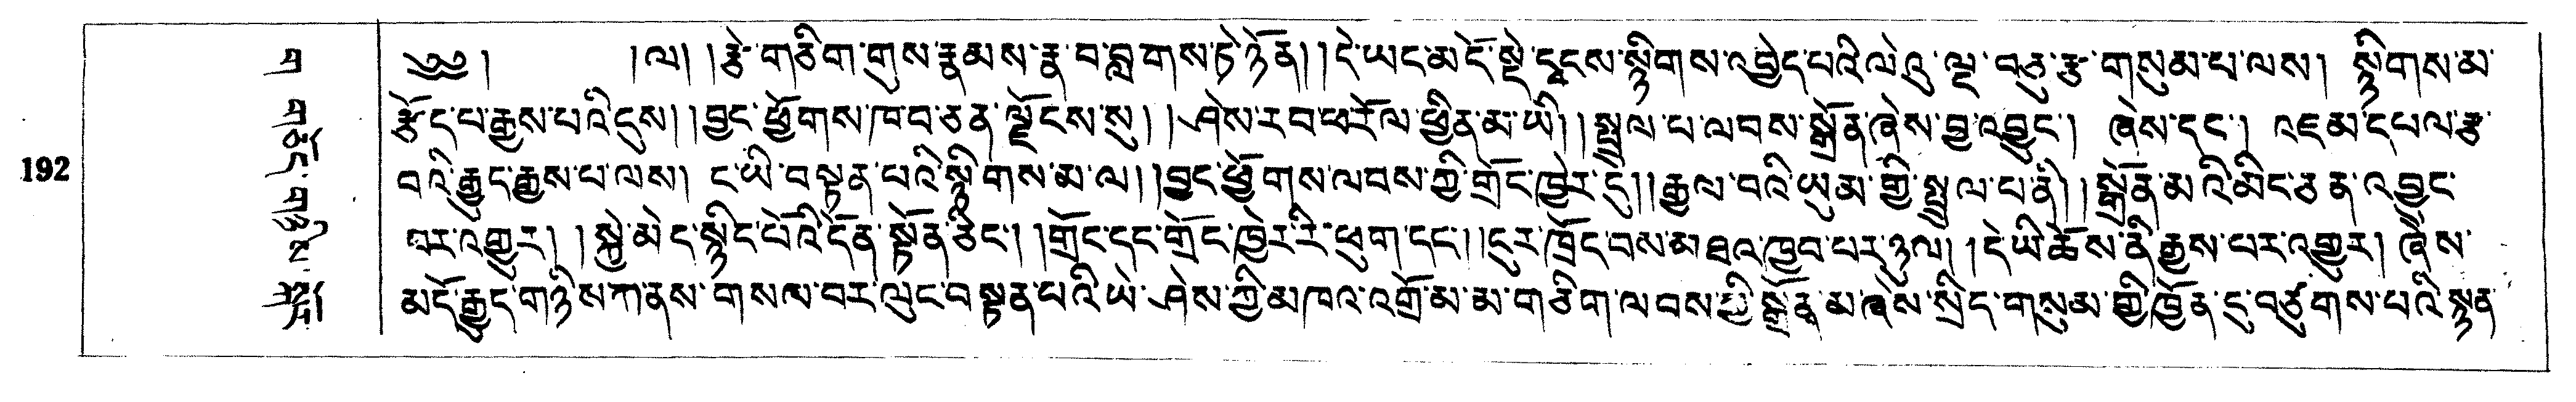༄༅། །ལ། །རྩེ་གཅིག་གུས་རྣམས་རྣ་བ་བླགས་ཏེ་ཉོན། །དེ་ཡང་མདོ་སྡེ་དྭངས་སྙིགས་འབྱེད་པའི་ལེའུ་ལྔ་བཅུ་རྩ་གསུམ་པ་ལས། སྙིགས་མ་
རྩོད་པ་རྒྱས་པའི་དུས། །བྱང་ཕྱོགས་ཁ་བ་ཅན་ལྗོངས་སུ། །ཤེས་རབ་ཕ་རོལ་ཕྱིན་མ་ཡི། །སྤྲུལ་པ་ལབས་སྒྲོན་ཞེས་བྱ་འབྱུང་། ཞེས་དང་། འཇམ་དཔལ་རྩ་
བའི་རྒྱུད་རྒྱས་པ་ལས། ང་ཡི་བསྟན་པའི་སྙིགས་མ་ལ། །བྱང་ཕྱོགས་ལབས་ཀྱི་གྲོང་ཁྱེར་དུ། །རྒྱལ་བའི་ཡུམ་གྱི་སྤྲུལ་པ་ནི། །སྒྲོན་མའི་མིང་ཅན་འབྱུང་
བར་འགྱུར། །སྐྱེ་མེད་སྙིང་པོའི་དོན་སྟོན་ཅིང་། །གྲོང་དང་གྲོང་ཁྱེར་རི་ཕུག་དང་། །ངུར་ཁྲོད་བས་མཐའ་ཁྱབ་པར་ཉུལ། །དེ་ཡི་ཆོས་ནི་རྒྱས་པར་འགྱུར། ཞེས་
མདོ་རྒྱུད་གཉིས་ཀ་ནས་གསལ་བར་ལུང་བསྟན་པའི་ཡེ་ཤེས་ཀྱི་མཁའ་འགྲོ་མ་མ་གཅིག་ལབས་ཀྱི་སྒྲོན་མ་ཞེས་སྲིད་གསུམ་གྱི་ཁྱོན་དུ་བཙུགས་པའི་སྙན་